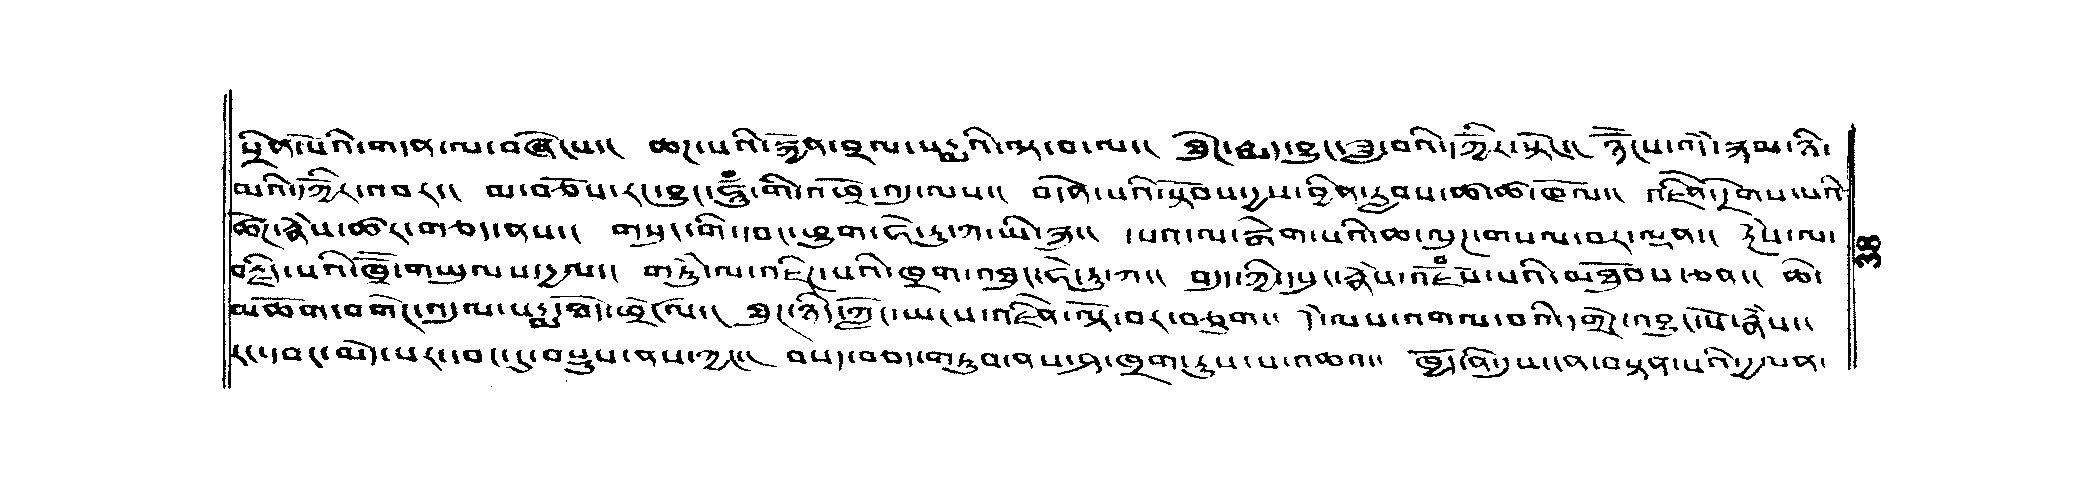སྲིན་པོའི་གདན་ལ་བཞུགས། །ཆགས་པའི་སྐྱོན་བྲལ་པདྨའི་ལྟ་བ་ལ། །ཐུགས་རྗེ་རྨད་བྱུང་ཟླ་བའི་དཀྱིལ་འཁོར་སྟེང་། །ཉོན་མོངས་འདམ་སྐམ་ཉི་
མའི་དཀྱིལ་འཁོར་བཞུགས། །མ་བཅོས་རང་བྱུང་ཧཱུྃ་གི་འཕྲོ་འདུ་ལས། །བདེན་པའི་སྟོབས་རྒྱས་བྱིན་རླབས་ཚ་ཚ་ཁོལ། །འཇིག་རྟེན་དྲེགས་པའི་
ཚོགས་རྣམས་ཚར་གཅད་ནས། །གསུང་གི་དབང་ཕྱུག་ཧེ་རུ་ཀ་ཡི་སྐུ། །དཔལ་ལ་སྒེག་པའི་ཆ་ལུགས་གསལ་བར་ལྡན། །རྔམས་ལ་
བརྗིད་པའི་ཁྲོ་བོ་གཡུལ་ལས་རྒྱལ། །གཏུམ་ལ་འཇིགས་པའི་ཁྲག་འཐུང་ཧེ་རུ་ཀ། །བདུད་ཀྱི་དཔུང་རྣམས་འཇོམས་པའི་མཐུ་སྟོབས་ཅན། །ཆེ་
མཆོག་བགེགས་འདུལ་པདྨ་ཐོད་ཕྲེང་རྩལ། །ཐུགས་ཉིད་ཀློང་ཡངས་འཇིག་རྟེན་ལྟེ་བར་བཅུག་དམ་ལས་འགལ་བའི་དགྲ་བགེགས་འབྱུང་པོ་རྣམས། །
རང་དབང་མེད་པར་དབང་དུ་བསྡུས་ནས་ཀྱང་། །བསད་བཅད་གཏུབ་ནས་ཤ་ཁྲག་རུས་པ་འཆའ། །ཁྱོད་ནི་དུས་ངན་བསྟན་པའི་རྒྱལ་ལན་